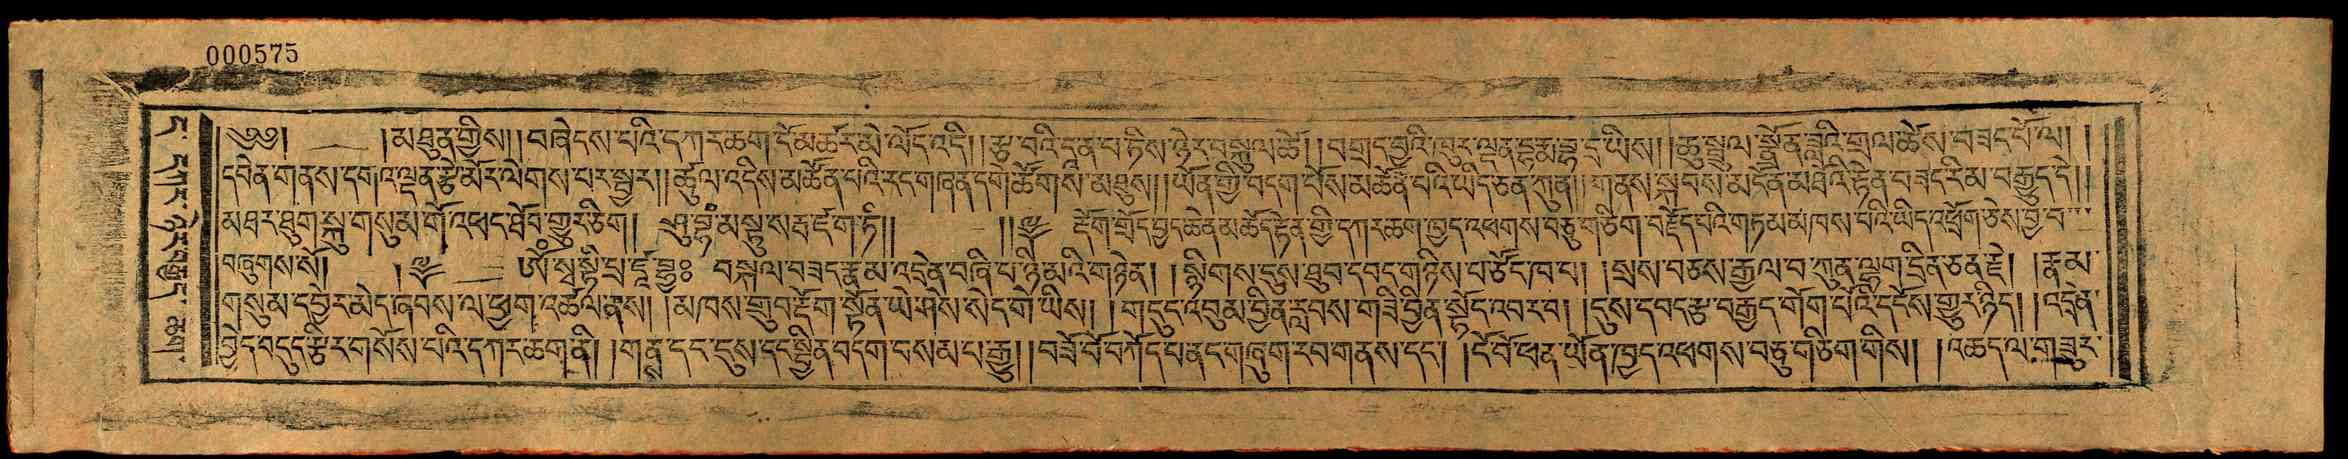༄༅། །མཐུན་གྱིས། །བཞེངས་པའི་དཀར་ཆག་ངོ་མཚར་མེ་ལོང་འདི། །རྩ་བའི་དཱ་ན་པ་ཏིས་ཉེར་བསྐུལ་ཚེ།། བགྲང་བྱའི་ཁུར་ལྡན་དྷརྨ་བྷ་དྲ་ཡིས། །ཆུ་སྦྲུལ་སྣོན་ཟླའི་གྲལ་ཚས་བཟང་པོ་ལ། །
དབེན་གནས་དགའ་ལྡན་རྩེ་མོར་ལེགས་པར་སྦྱར། །ཚུལ་འདིས་མཚོན་པའི་རང་གཞན་དགེ་ཚོགས་མཐུས། །ཡོན་གྱི་བདག་པོས་མཚོན་པའི་ཡིད་ཅན་ཀུན། །གནས་སྐབས་མངོན་མཐོའི་རྟེན་བཟང་རིམ་བརྒྱུད་དེ། །
མཐར་ཐུག་གསུམ་གོ་འཕང་ཐོབ་གྱུར་ཅིག ། ཤུ་བྷ་མ་སྟུ་སརྦ་ཛ་ག་ཏཾ།། །། འ་རྡོག་གྲོང་བྱང་ཆེན་མཆོད་རྟེན་གྱི་དཀར་ཆག་ཁྱད་འཕགས་བཅུ་གཅིག་བརྗོད་པའི་གཏམ་མཁས་པའི་ཡིད་འཕྲོག་ཅེས་བྱ་བ་
བཞུགས་སོ། ། འ་ཨོཾ་སྭ་སྟི་པྲ་ཛཱ་བྷྱཿ བསྐལ་བཟང་རྣམ་འདྲེན་བཞི་པ་ཉི་མའི་གཉེན། །སྙིགས་དུས་ཐུབ་དབང་གཉིས་པ་ཙོང་ཁ་པ། །སྲས་བཅས་རྒྱལ་བ་ཀུན་ལྷག་དྲིན་ཅན་རྗེ། །རྣམ་
གསུམ་དབྱེར་མེད་ཞབས་ལ་ཕྱག་འཚལ་ནས། །མཁས་གྲུབ་རྡོག་སྟོན་ཡེ་ཤེས་སེང་གེ་ཡིས། །གདུང་འབུམ་བྱིན་རླབས་གཟི་བྱིན་སྟོང་འབར་བ། །དུས་དབང་རྩེ་བརྒྱད་གོག་པོའི་དངོས་གྱུར་ཉིད། །འདྲེན་
བྱེད་བདུད་རྩིར་གསོས་པའི་དཀར་ཆག་ནི། །གནས་དང་དུས་དང་སྤྱིན་བདག་བསམ་པ་རྒྱུ། །བཟོ་བོ་བཀོད་པ་ནང་གཞུག་རབ་གནས་དང་། །ངོ་བོ་ཕན་ཡོན་ཁྱད་འཕགས་བཅུ་གཅིག་གིས། །འཆད་ལ་གཟུར་